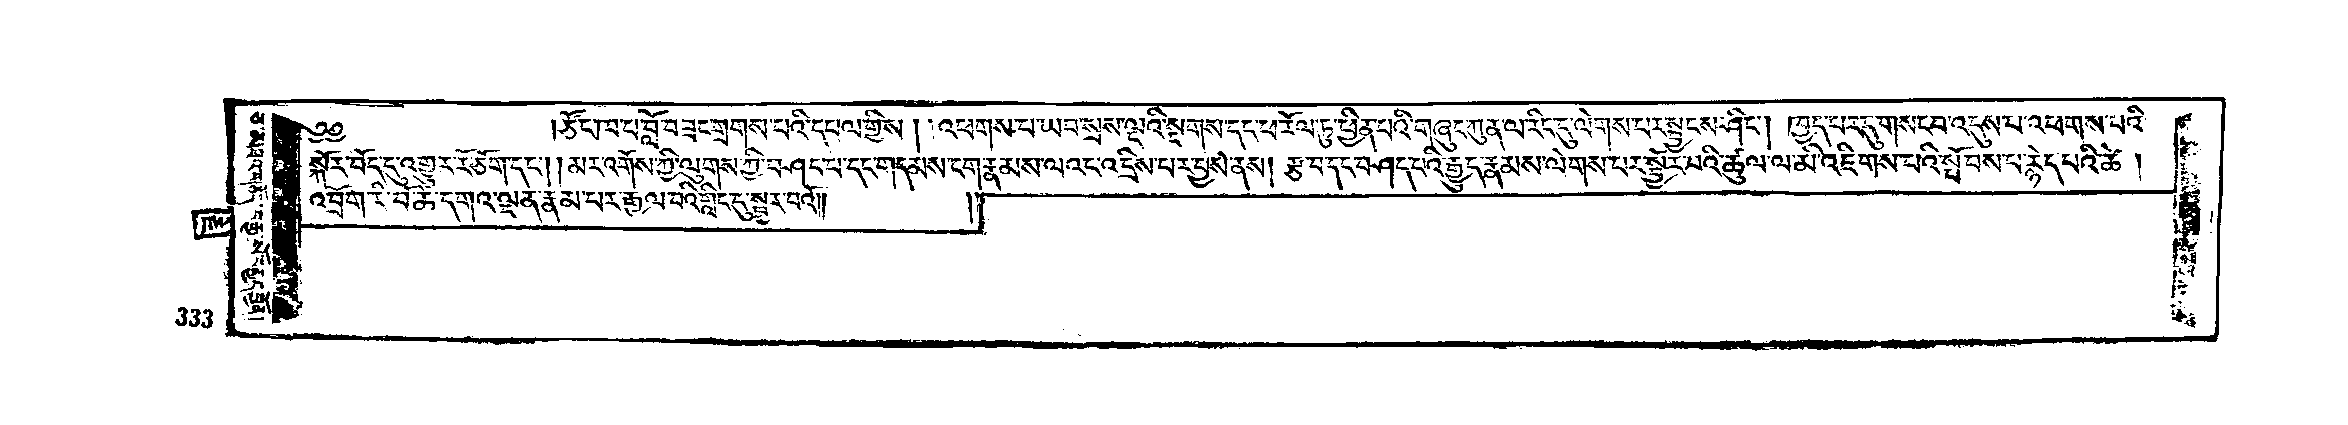༄༅། །ཙོང་ཁ་པ་བློ་བཟང་གྲགས་པའི་དཔལ་གྱིས། །འཕགས་པ་ཡབ་སྲས་ལྔའི་སྔགས་དང་ཕ་རོལ་ཏུ་ཕྱིན་པའི་གཞུང་ཀུན་ལ་རིང་དུ་ལེགས་པར་སྦྱངས་ཤིང་། ཁྱད་པར་དུ་གསང་བ་འདུས་པ་འཕགས་པའི་
སྐོར་བོད་དུ་འགྱུར་རོ་ཅོག་དང་། །མར་འགོས་ཀྱི་ལུགས་ཀྱི་བཤད་པ་དང་གདམས་ངག་རྣམས་ལའང་འདྲིས་པར་བྱས་ནས། རྩ་བ་དང་བཤད་པའི་རྒྱུད་རྣམས་ལེགས་པར་སྦྱོར་བའི་ཚུལ་ལ་མི་འཇིགས་པའི་སྤོབས་པ་རྙེད་པའི་ཆེ།
འབྲོག་རི་བོ་ཆེ་དགའ་ལྡན་རྣམ་པར་རྒྱལ་བའི་གླིང་དུ་སྦྱར་བའོ།། །།